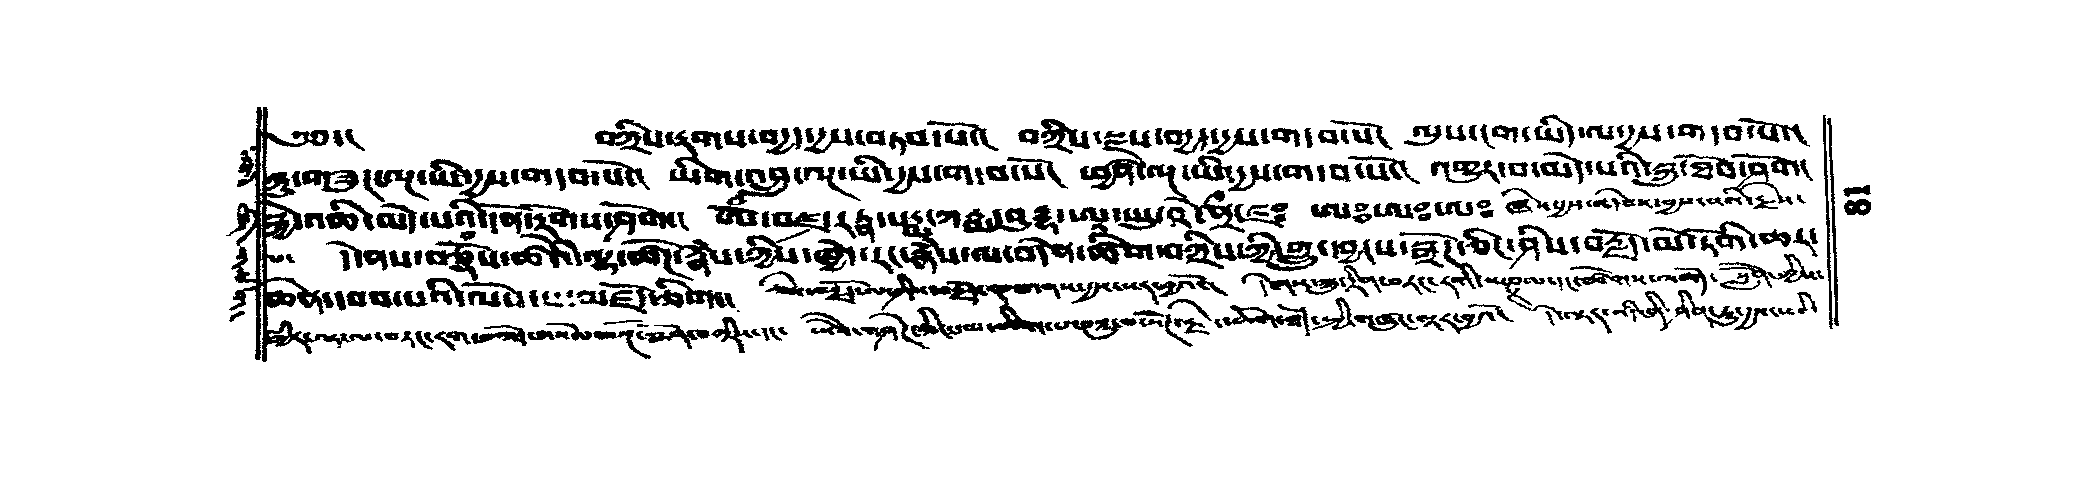བཀྲ་ཤིས་རྟགས་བརྒྱད་རྒྱས་བཏབ་པོ། བཀྲ་ཤིས་རྫས་བརྒྱད་རྒྱས་གདབ་པོ། ལུས་ངག་ཡིད་ལ་རྒྱས་གདབ་བོ། 
སྐུ་གཟུགསལྔ་ཡི་རྒྱས་གདབ་བོ། ཡིག་འབྲུ་ལྔ་ཡི་རྒྱས་གདབ་པོ། ཕྱག་མཚན་ལྔ་ཡི་རྒྱས་གདབ་པོ། འགྱུར་བ་མེད་པའི་སྐུ་ཐོབ་ཤོག 
སྐྱེ་འཆི་མེད་པའི་དོན་རྟོགས་ཤོག ཨོཾ་བཛྲ་རཏྣ་པདྨ་ཀརྨ་བུདྡྷ་ཨཱ་ཡུ་རེ་ནྲྀ་ཛཿ ཨཿཨཿཨཿ ཞེས་རྒྱས་འདེབས་བྱས་བའི་རྗེས་
པ། དེ་ནས་བཅོམ་ལྡན་འདས་ཚེའི་ལྷ་ཚོགས་རྣམས་ཀྱིས་ཁྱེད་རང་རྣམས་ལ་བདེན་ཚིག་བཀྲ་ཤིས་ཀྱི་གླུ་དབྱངས་སྒྲོགས་ཅིང་ཤིས་བརྗོད་མེ་ཏོག་གི་ཆར་
ཆེན་དབབ་པའི་མོས་པ་མཛོད་ཅིག ཅེས་བརྗོད་ལ་ཤིས་བརྗོད་རབ་གནས་རྒྱས་པར་བྱའོ། དེ་གས་སྐུ་དྲིན་བཏང་རག་གི་མཎྜལ་དང་ཚོགས་མཆོད། སློབ་དཔོན་གྱིས་
དཀྱིལ་འཁོར་ལྷ་ལ་བཏང་རག་བཀོད་གསོལ་བསྔོ་སྨོན་བཀྲ་ཤིས་དང་། ཡེ་ཤེས་གཤེགས་ཅིང་དམ་ཚིག་པ་བསྡུ་བ་སོགས་རྗེས་ཆོག་ཐམས་ཅད་སྤྱི་གཞུང་ལྟར་བྱའོ། དེ་ལྟར་འདི་ནི་ཤིན་ཏུ་རྒྱས་པའི་